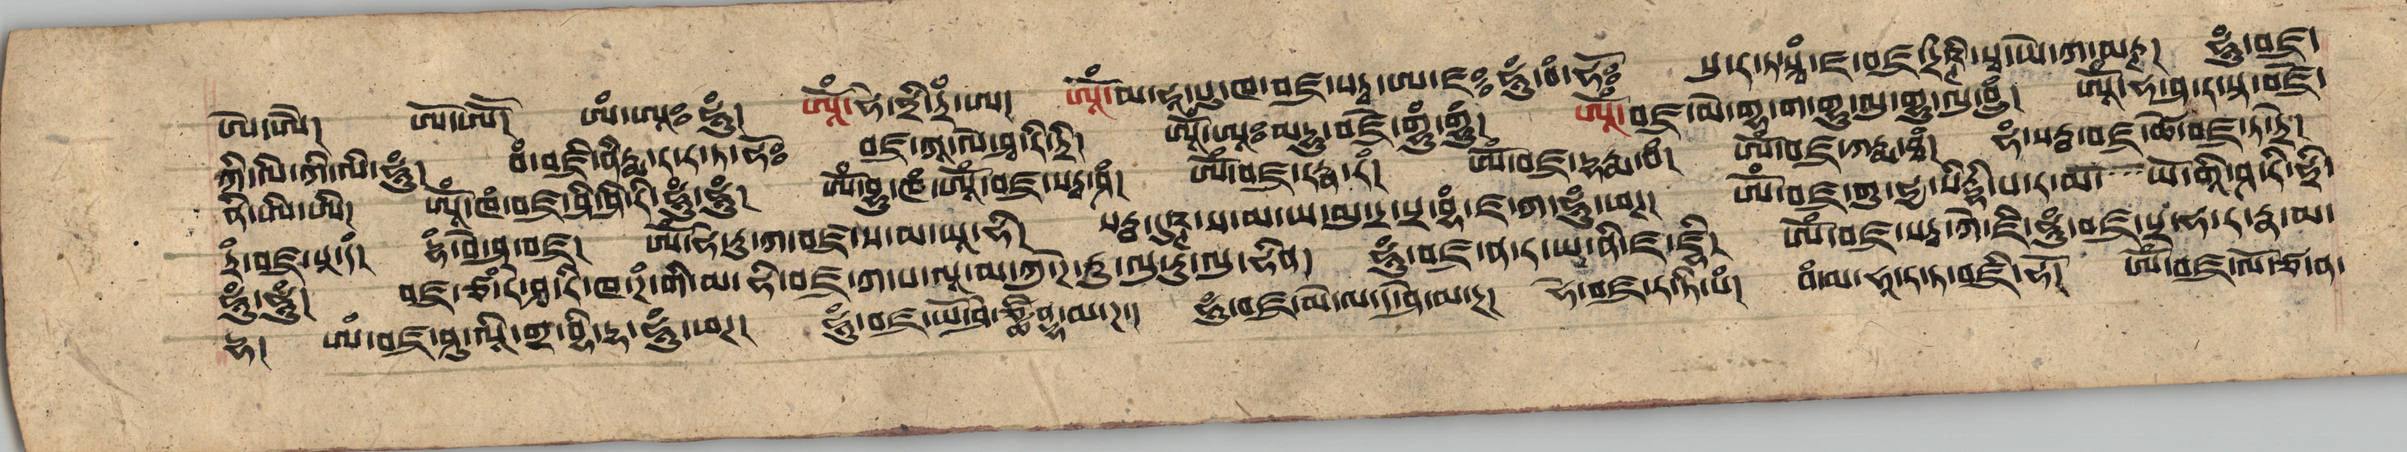ཨེ་ཨཻ། ཨོ་ཨཽ། ཨཾ་ཨཱཿཧཱུཾ། ཨཱོཾ་ཧེ་ཧྲི་ཏྲཾ་ཨ། ཨཱོཾ་མ་ཧཱ་སུ་ཁ་བཛྲ་སཏྭ་ཨ་ཛཿཧཱུཾ་བཾ་ཧོཿ སུ་ར་ཏ་སྟྭཾ་ཛ་བཛྲ་དྲྀཥྚི་སྭ་ཡེ་ཀ་མཏྚ། ཧཱུཾ་བཛྲ་
ཀི་ལི་ཀི་ལི་ཧཱུཾ། བཾ་བཛྲི་ནིརྨ་ར་ར་ཏ་ཧོཿ བཛྲ་ཀཱ་ལེ་ཤྭ་རི་ཏྲི། ཨཱོཾ་ཨཱཿམདྷུ་བཛྲེ་གྷུཾ་གྷུཾ། ཨཱོཾ་བཛྲ་མེ་གྷུ་ག་གྷུ་ལུ་གྷུ་ལུ་བྲུཾ། ཨཱོཾ་ཧ་ཤ་ར་སྟ་བཛྲེ་
ནི་ཨི་ཨི། ཨཱོཾ་ཁཾ་བཛྲ་ཤི་ཤི་རི་ཧཱུཾ་ཧཱུཾ། ཨོཾ་བྷུ་ཁཾ་ཨཱོཾ་བཛྲ་སཏྭ་ཤཾ། ཨོཾ་བཛྲ་རཏྣ་རཾ། ཨོཾ་བཛྲ་དྷརྨ་བཾ། ཨོཾ་བཛྲ་ཀརྨ་ཐཾ། ཧཾ་སརྦ་བཛྲ་ཚེ་བཛྲ་ཏ་ཏྲེ།
ཏྲཾ་བཛྲ་སཱ་དཾ། དྷ་བེ་ཤཱ་བཛྲ། ཨོཾ་ཧེ་རུ་ཀ་བཛྲ་ས་མ་ཡཱ་ཧི། སརྦ་དུཥྚ་ས་མ་ཡ་མུ་དྲ་སྲ་བྷཾ་ཛ་ཀ་ཧཱུཾ་ཕཊ། ཨོཾ་བཛྲ་གུ་ཧྱ་སིདྡྷི་ས་ར་མོ་ ཡོ་གཱི་ཤ་རི་ཧྲི་
ཧུ་ཧཱུཾ། བཛྲ་ཙ་ར་ཤྭ་རི་ཁ་ཌཾ་གི་མ་ཧི་བཛྲ་ཀ་པ་ལཱ་མ་ཀུ་ཌེ་རུ་ལུ་རུ་ལུ་ཧིན། ཧཱུཾ་བཛྲ་ན་ར་ཡ་ནི་ཛ་ཛྭི། ཨོཾ་བཛྲ་སཏྭ་ཀེ་ཛི་ཧཱུཾ་བཛྲ་པྲ་ཧ་ར་རྣ་མ་
དྷ། ཨ་བཛྲ་ཤུ་ལཱི་གྲ་བྷི་དྷ་ཧཱུཾ་ཕཊ། ཧཱུཾ་བཛྲ་ཡོ་ཤེ་ཙྪེནྡྷ་མ་ཌ་། ཧཱུཾ་བཛྲ་མེ་ལ་ད་ཤེ་མ་ཌ། ཧེ་བཛྲ་ར་ཏི་པཾ། བཾ་མ་ཧཱ་ར་ཏ་བཛྲི་ཧོ། ཨོཾ་བཛྲ་ལོ་ཙ་ན་